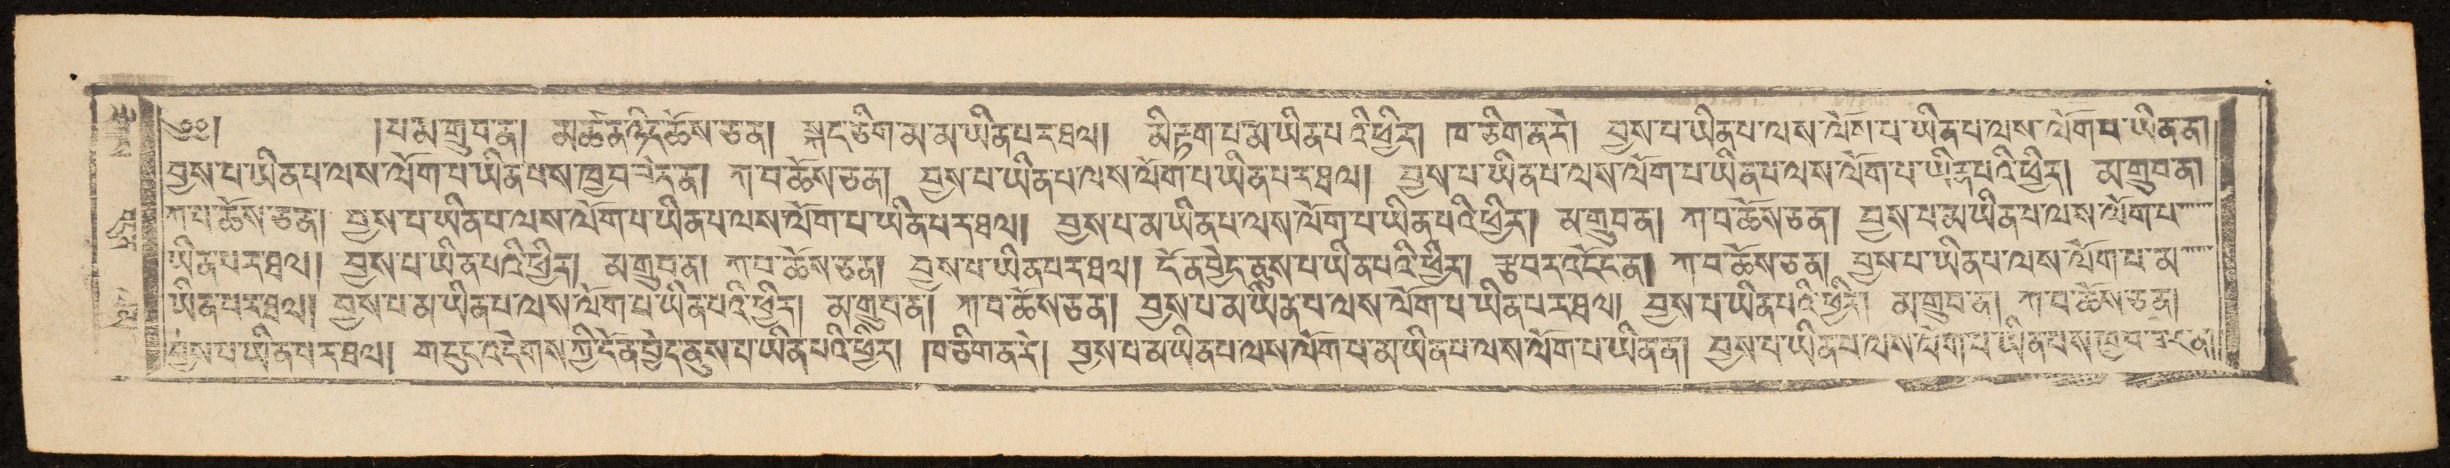༄༅། །པ་མ་གྲུབ་ན། མཚན་ཉིད་ཆོས་ཅན། སྐད་ཅིག་མ་མ་ཡིན་པར་ཐལ། མི་རྟག་པ་མ་ཡིན་པའི་ཕྱིར། ཁ་ཅིག་ན་རེ། བྱས་པ་ཡིན་པ་ལས་ལོག་པ་ཡིན་པ་ལས་ལོག་པ་ཡིན་ན།
བྱས་པ་ཡིན་པ་ལས་ལོག་པ་ཡིན་པས་ཁྱབ་ཟེར་ན། ཀ་བ་ཆོས་ཅན། བྱས་པ་ཡིན་པ་ལས་ལོག་པ་ཡིན་པར་ཐལ། བྱས་པ་ཡིན་པ་ལས་ལོག་པ་ཡིན་པ་ལས་ལོག་པ་ཡིན་པའི་ཕྱིར། མ་གྲུབ་ན།
ཀ་བ་ཆོས་ཅན། བྱས་པ་ཡིན་པ་ལས་ལོག་པ་ཡིན་པ་ལས་ལོག་པ་ཡིན་པར་ཐལ། བྱས་པ་མ་ཡིན་པ་ལས་ལོག་པ་ཡིན་པའི་ཕྱིར། མ་གྲུབ་ན། ཀ་བ་ཆོས་ཅན། བྱས་པ་མ་ཡིན་པ་ལས་ལོག་པ་
ཡིན་པར་ཐལ། བྱས་པ་ཡིན་པའི་ཕྱིར། མ་གྲུབ་ན། ཀ་བ་ཆོས་ཅན། བྱས་པ་ཡིན་པར་ཐལ། དོན་བྱེད་ནུས་པ་ཡིན་པའི་ཕྱིར། རྩ་བར་འདོད་ན། ཀ་བ་ཆོས་ཅན། བྱས་པ་ཡིན་པ་ལས་ལོག་པ་མ་
ཡིན་པར་ཐལ། བྱས་པ་མ་ཡིན་པ་ལས་ལོག་པ་ཡིན་པའི་ཕྱིར། མ་གྲུབ་ན། ཀ་བ་ཆོས་ཅན། བྱས་པ་མ་ཡིན་པ་ལས་ལོག་པ་ཡིན་པར་ཐལ། བྱས་པ་ཡིན་པའི་ཕྱིར། མ་གྲུབ་ན། ཀ་བ་ཆོས་ཅན། ཀ་བ་ཆོས་ཅན།
བྱས་པ་ཡིན་པར་ཐལ། གདུང་འདེགས་ཀྱི་དོན་བྱེད་ནུས་པ་ཡིན་པའི་ཕྱིར། ཁ་ཅིག་ན་རེ། བྱས་པ་མ་ཡིན་པ་ལས་ལོག་པ་མ་ཡིན་པ་ལས་ལོག་པ་ཡིན་ན། བྱས་པ་ཡིན་པ་ལས་ལོག་པ་ཡིན་པས་ཁྱབ་ཟེར་ན།